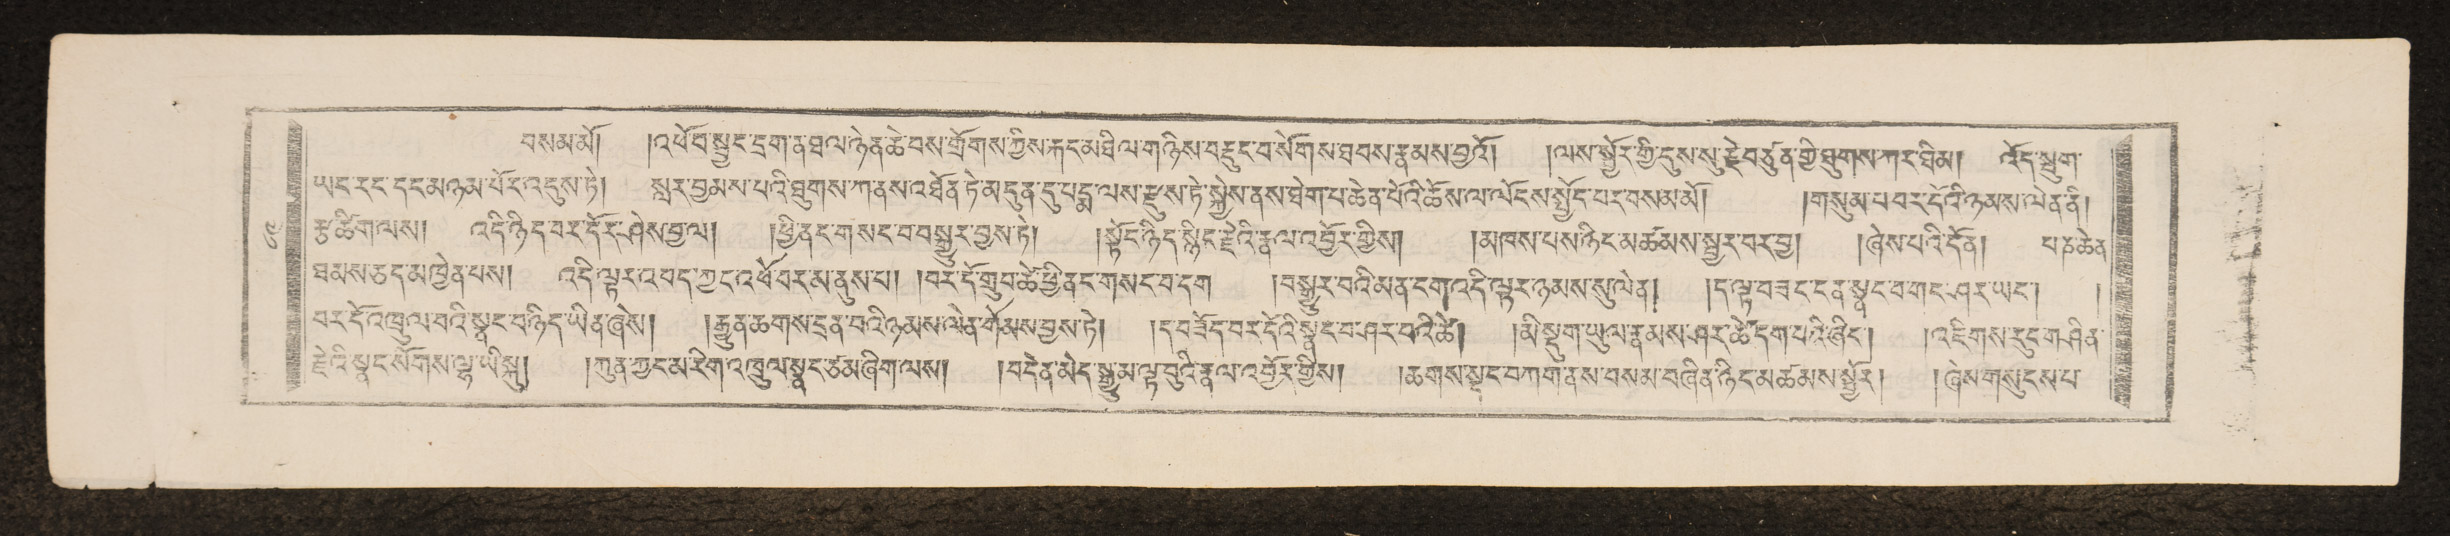བསམ་མོ། །འཕོ་བ་སྦྱང་དྲག་ན་ཐལ་ཉེན་ཆེ་བས་གྲོགས་ཀྱིས་རྐང་མཐིལ་གཉིས་བརྡུར་བ་སོགས་ཐབས་རྣམས་བྱའོ། །ལས་སྦྱོར་གྱི་དུས་སུ་རྗེ་བཙུན་གྱི་ཐུགས་ཀར་ཐིམ། འོད་སྦུག་
ཡང་རང་དང་མཉམ་པོར་འདུས་ཏེ། སླར་བྱམས་པའི་ཐུགས་ཀ་ནས་འཐོན་ཏེ་མདུན་དུ་པདམ་ལས་རྫུས་ཏེ་སྐྱེས་ནས་ཐེག་པ་ཆེན་པོའི་ཆོས་ལ་ལོངས་སྤྱོད་པར་བསམ་མོ། །གསུམ་པ་བར་དོའི་ཉམས་ལེན་ནི།
རྩ་ཚིག་ལས། འདི་ཉིད་བར་དོར་ཤེས་བྱ་ལ། །ཕྱི་ནང་གསང་བ་བསྒྱུར་བྱས་ཏེ། །སྟོང་ཉིད་སྙིང་རྗེའི་རྣལ་འབྱོར་གྱིས། །མཁས་པས་ཉིང་མཚམས་སྦྱར་བར་བྱ། །ཞེས་པའི་དོན། པཎ་ཆེན་
ཐམས་ཅད་མཁྱེན་པས། འདི་ལྟར་འབད་ཀྱང་འཕོ་བར་མ་ནུས་པ། །བར་དོ་གྲུབ་ཚེ་ཕྱི་ནང་གསང་བ་དག །བསྒྱུར་བའི་མན་ངག་འདི་ལྟར་ཉམས་སུ་ལེན། །ད་ལྟ་བཟང་ངན་སྣང་བ་གང་ཤར་ཡང་། །
བར་དོ་འཁྲུལ་བའི་སྣང་བ་ཉིད་ཡིན་ཞེས། །རྒྱུན་ཆགས་དྲན་བའི་ཉམས་ལེན་གོམས་བྱས་ཏེ། །ད་བཟོད་བར་དོའི་སྣང་བ་ཤར་བའི་ཚེ། །མི་སྡུག་ཡུལ་རྣམས་ཤར་ཚེ་དག་པའི་ཞིང་། །འཇིགས་རུང་གཤིན་
རྗེའི་སྣང་སོགས་ལྷ་ཡི་སྐུ། །ཀུན་ཀྱང་མ་རིག་འཁྲུལ་སྣང་ཙམ་ཞིག་ལས། །བདེན་མེད་སྒྱུ་མ་ལྟ་བུའི་རྣལ་འབྱོར་གྱིས། །ཆགས་སྡང་བཀག་ནས་བསམ་བཞིན་ཉིད་མཚམས་སྦྱོར། །ཞེས་གསུངས་པ་